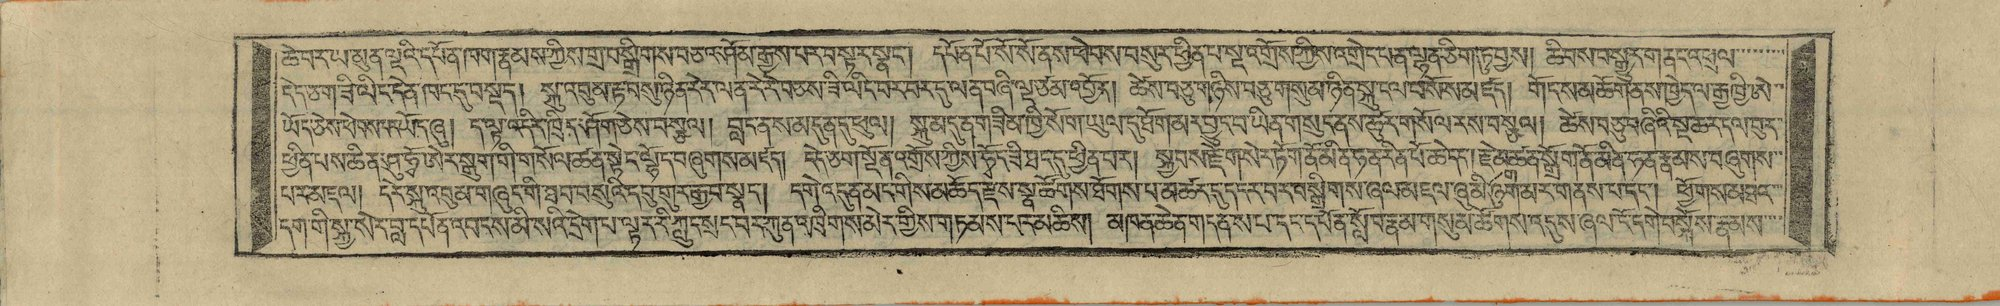ཆེ་བར་ཡ་མུན་ལྔའི་དཔོན་ཁག་རྣམས་ཀྱིས་གྲ་བསྒྲིགས་བཅའ་ཤོམ་རྒྱས་པར་བསྟར་སྣང་། དཔོན་པོ་སོ་སོ་ནས་ཕེབས་བསུར་ཕྱིན་པ་སྔ་འགྲོས་ཀྱིས་འགྲེང་པན་ལྷན་ཅིག་ཏུ་བྱས། ཆི་བས་བསྒྱུར་གནང་འཕྲལ་
དེད་ཅག་ཟི་ལིང་དེན་ཁང་དུ་བསྡད། སྐུ་འབུམ་རྟ་བསུ་ཉིན་རེར་ལན་རེ་རེ་བཅས་ཟི་ལིང་བར་བར་དུ་ལན་བཞི་ལྔ་ཙམ་འབྱོར། ཚེས་བཅུ་གཉིས་བཅུ་གསུམ་ཉིན་སྐུ་ངལ་བསོས་མཛད། གོང་ས་མཆོ་ནས་ཁྱེད་ལ་རྒྱ་ཁྱི་ཨེ་
ཡོད་ཅེས་ཕེབས་པར་ཡོད་ཞུ། ད་ལྟ་འདིར་ཁྲིད་ཤོག་ཅེས་བསྩལ། བླང་ནས་མདུན་དུ་ཕུལ། སྐུ་མདུན་གཟིམ་ཁྱི་སོག་ཡུལ་དུ་ཐོག་མར་བྱུང་བ་ཡིན་གསུང་ནས་ཚུར་གསོལ་རས་བསྩལ། ཚེས་བཅུ་བཞིའི་སྔ་ཆར་དལ་བུར་
ཕྱིན་པས་ཆིན་ཤུ་ཧྭོ་ཨེར་སྒུག་གི་གསོལ་ཚན་སྟེང་ལྷོད་བཞུགས་མཛད། ངེད་ཅག་སྔོན་འགྲོས་ཀྱིས་ཧྭོང་ཟི་ཐང་དུ་ཕྱིན་པར། སྐྱབས་རྗེ་གསེར་ཏོག་ནོ་མིན་ཧན་རིན་པོ་ཆེ་དང་། རྗེ་མཚན་སྒྲོག་ནོ་མིན་ཧན་རྣམས་བཞུགས་
པར་མཇལ། དེར་སྐུ་འབུམ་གཞུང་གི་ཐབ་བསུའི་དབུ་གུར་རྒྱབ་སྣང་། དགེ་འདུན་མང་གིས་མཆོད་རྫས་སྣ་ཚོགས་ཐོགས་པ་མཚར་དུ་དངར་བར་བསྒྲིགས་ཞལ་མཇལ་ཞུ་མི་ཉུག་མར་གནས་པ་དང་། ཕྱོགས་མཐའ་
དག་གི་སྐྱ་སེར་བླ་དཔོན་འབངས་མི་སའི་དྲེག་པ་ལྟར་རི་ཀླུང་སྲང་བར་ཀུན་འཁྲིགས་མིར་གྱིས་གཏམས་པར་མཆིས། མཁན་ཆེན་གདན་ས་པ་དང་དཔོན་སློ་བ་རྣམ་གསུམ་ཚོགས་འདུས་ཞལ་ངོ་དགེ་བསྐོས་རྣམས་